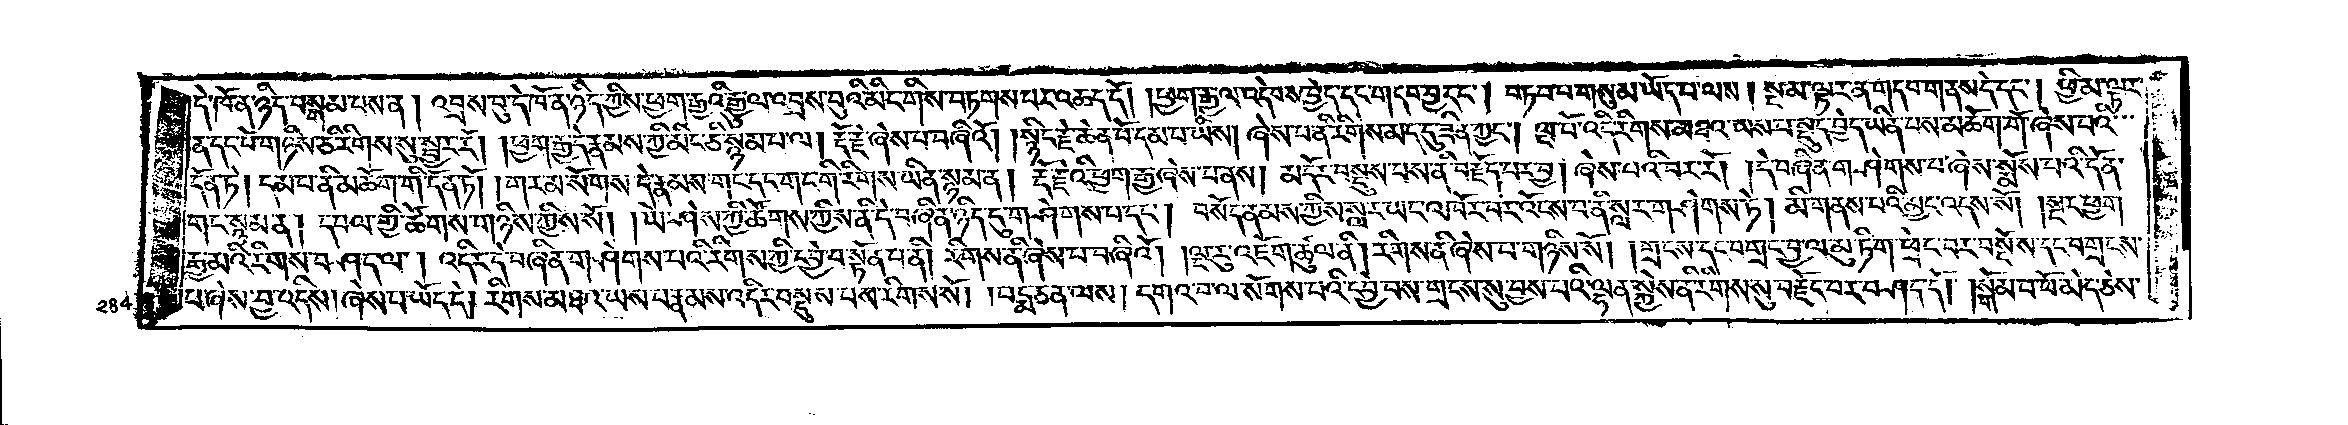དེ་ཁོ་ན་ཉིད་བསྒོམས་པས་ན། འབྲས་བུ་དེ་ཁོ་ན་ཉིད་ཀྱིས་ཕྱག་རྒྱའི་རྒྱུ་ལ་འབྲས་བུའི་མིང་གིས་བཏགས་པར་འཆད་དོ། །ཕྱག་རྒྱ་ལ་འདེབས་བྱེད་དང་གདབ་བྱ་དང་། བཏབ་པ་གསུམ་ཡོད་པ་ལས། སྔ་མ་ལྟར་ན་གདབ་གནས་དེ་དང་། ཕྱི་མ་ལྟར་
ན་དང་པོ་གཉིས་ཅི་རིགས་སུ་སྦྱར་རོ། །ཕྱག་རྒྱ་དེ་རྣམས་ཀྱི་མིང་ཅི་སྙམ་པ་ལ། རྡོ་རྗེ་ཞེས་པ་བཞིའོ། །སྙིང་རྗེ་ཆེན་པོ་དམ་པ་ཡིས། ཞེས་པ་ནི་རིགས་མད་དུ་ཟིན་ཀྱང་། ལྔ་པོ་འདི་རིགས་མཐའ་ཡས་པ་སྡུད་བྱེད་ཡིན་པས་མཆོག་གོ་ཞེས་པའི་
དོན་ཏེ། དམ་པ་ནི་མཆོག་གི་དོན་ཏོ། །གར་མ་སོགས་དེ་རྣམས་གང་དང་གང་གི་རིགས་ཡིན་སྙམ་ན། རྡོ་རྗེའི་ཕྱག་རྒྱ་ཞེས་པ་ནས། མདོར་བསྡུས་པས་ནི་བརྗོད་པར་བྱ། ཞེས་པའི་བར་རོ། །དེ་བཞིན་གཤེགས་པ་ཞེས་སྨོས་པའི་དོན་
གང་སྙམ་ན། དཔལ་གྱི་ཚོགས་གཉིས་ཀྱིས་སོ། །ཡེ་ཤེས་ཀྱི་ཚོགས་ཀྱིས་ནི་དེ་བཞིན་ཉིད་དུ་གཤེགས་པ་དང་། གསོད་ནམས་ཀྱིས་སླར་ཡང་འཁོར་བར་འོངས་པ་ནི་སླར་གཤེགས་ཏེ། མི་གནས་པའི་མྱང་འདས་སོ། །སྔར་ཕྱག་
རྒྱ་མའི་རིགས་བཤད་ལ། འདིར་དེ་བཞིན་གཤེགས་པའི་རིགས་ཀྱི་དབྱེ་བ་སྟོན་པ་ནི། རིགས་ནི་ཞེས་པ་བཞིའོ། །ལྔ་རུ་འཇོག་ཚུལ་ནི། རིགས་ནི་ཞེས་པ་གཉིས་སོ། །གྲངས་དང་བགྲང་བྱ་ལ་མུ་ཏིག་ཕྲེང་བར་བསྔོས་དང་བགྲངས་
པ་ཞེས་བྱ་འདིས། ཞེས་པ་ཡོད་དེ། རིགས་མཐའ་ཡས་པ་རྣམས་འདིར་བསྡུས་པས་རིགས་སོ། །པདམ་ཅན་ལས། དགའ་བ་ལ་སོགས་པའི་དབྱེ་བས་གྲངས་སུ་བྱས་པའི་ལྷན་སྐྱེས་ནི་རིགས་སུ་བརྗོད་པར་བཤད་དོ། །སྒོམ་པ་པོ་མེད་ཅེས་